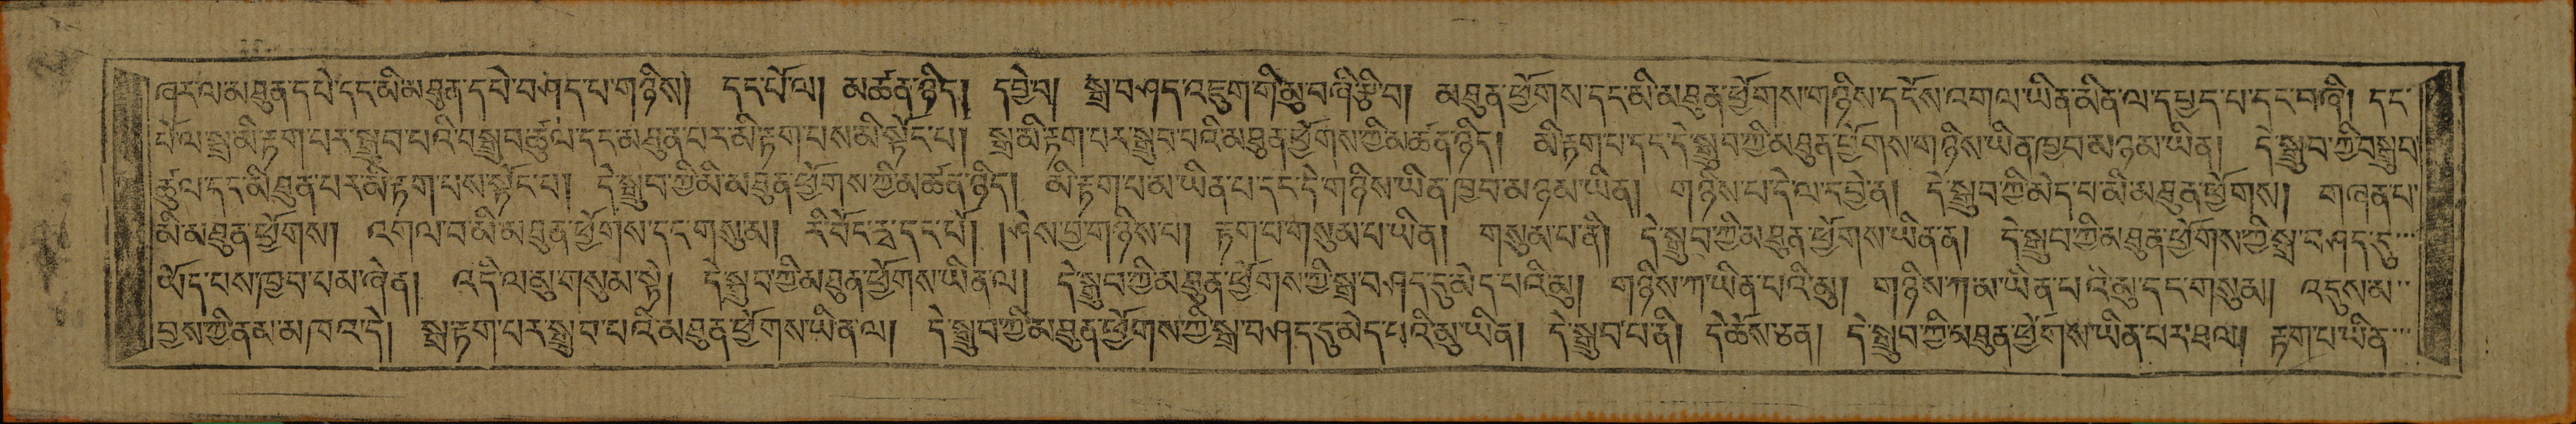ཞར་ལ་མཐུན་དཔེ་དང་མི་མཐུན་དཔེ་བཤད་པ་གཉིས། དང་པོ་ལ། མཚན་ཉིད། དབྱེ་བ། སྒྲ་བཤད་འཇུག་གི་མུ་བཞི་རྩི་བ། མཐུན་ཕྱོགས་དང་མི་མཐུན་ཕྱོགས་གཉིས་དངོས་འགལ་ཡིན་མིན་ལ་དཔྱད་པ་དང་བཞི། དང་
པོ་ལ་སྒྲ་མི་རྟག་པར་སྒྲུབ་པའི་བསྒྲུབ་ཚུལ་དང་མཐུན་པར་མི་རྟག་པས་མི་སྟོང་པ། སྒྲ་མི་རྟག་པར་སྒྲུབ་པའི་མཐུན་ཕྱོགས་ཀྱི་མཚན་ཉིད། མི་རྟག་པ་དང་དེ་སྒྲུབ་ཀྱི་མཐུན་ཕྱོགས་གཉིས་ཡིན་ཁྱབ་མཉམ་ཡིན། དེ་སྒྲུབ་ཀྱི་བསྒྲུབ་
ཚུལ་དང་མི་མཐུན་པར་མི་རྟག་པས་སྟོང་པ། དེ་སྒྲུབ་ཀྱི་མི་མཐུན་ཕྱོགས་ཀྱི་མཚན་ཉིད། མི་རྟག་པ་མ་ཡིན་པ་དང་དེ་གཉིས་ཡིན་ཁྱབ་མཉམ་ཡིན། གཉིས་པ་དེ་ལ་དབྱེ་ན། དེ་སྒྲུབ་ཀྱི་མེད་པ་མི་མཐུན་ཕྱོགས། གཞན་པ་
མི་མཐུན་ཕྱོགས། འགལ་བ་མི་མཐུན་ཕྱོགས་དང་གསུམ། རི་བོང་རྭ་དང་པོ། །ཤེས་བྱ་གཉིས་པ། རྟག་པ་གསུམ་པ་ཡིན། གསུམ་པ་ནི། དེ་སྒྲུབ་ཀྱི་མཐུན་ཕྱོགས་ཡིན་ན། དེ་སྒྲུབ་ཀྱི་མཐུན་ཕྱོགས་ཀྱི་སྒྲ་བཤད་དུ་
ཡོད་པས་ཁྱབ་པ་མ་ཞེ་ན། འདི་ལ་མུ་གསུམ་སྟེ། དེ་སྒྲུབ་ཀྱི་མཐུན་ཕྱོགས་ཡིན་ལ། དེ་སྒྲུབ་ཀྱི་མཐུན་ཕྱོགས་ཀྱི་སྒྲ་བཤད་དུ་མེད་པའི་མུ། གཉིས་ཀ་ཡིན་པའི་མུ། གཉིས་ཀ་མ་ཡིན་པའི་མུ་དང་གསུམ། འདུས་མ་
བྱས་ཀྱི་ནམ་མཁའ་དེ། སྒྲ་རྟག་པར་སྒྲུབ་པའི་མཐུན་ཕྱོགས་ཡིན་ལ། དེ་སྒྲུབ་ཀྱི་མཐུན་ཕྱོགས་ཀྱི་སྒྲ་བཤད་དུ་མེད་པའི་མུ་ཡིན། དེ་སྒྲུབ་པ་ནི། དེ་ཆོས་ཅན། དེ་སྒྲུབ་ཀྱི་མཐུན་ཕྱོགས་ཡིན་པར་ཐལ། རྟག་པ་ཡིན་